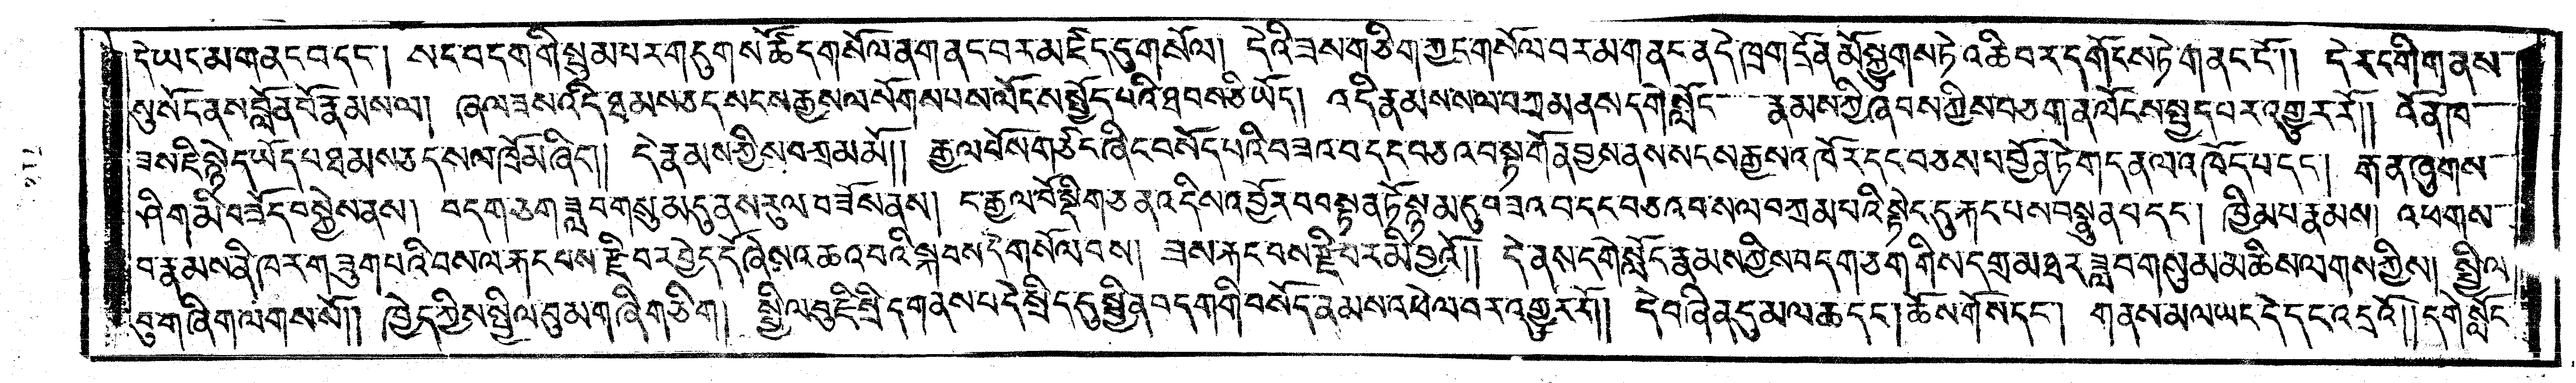དེ་ཡང་མ་གནང་བ་དང་། སང་བདག་གི་སུ་མ་པར་གདུགས་ཚོད་གསོལ་ན་གནང་བར་མཛད་དུ་གསོལ། དེའི་ཟས་གཅིག་ཀྱང་གསོལ་བར་མ་གནང་ན་དེ་ཁྲག་དྲོན་མོ་སྐྱུགས་ཏེ་འཆི་བར་དགོངས་ཏེ་གནང་ངོ།། དེ་རང་གི་གནས་
སུ་སོང་ནས་བློན་པོ་རྣམས་ལ། ཞལ་ཟས་འདི་ཐམས་ཅད་སངས་རྒྱས་ལ་སོགས་པས་ལོངས་སྤྱོད་པའི་ཐབས་ཅི་ཡོད། འདི་རྣམས་ས་ལ་བཀྲམ་ནས་དགེ་སློང་རྣམས་ཀྱི་ཞབས་ཀྱིས་བཅག་ན་ལོངས་སྤྱད་པར་འགྱུར་རོ།། འོ་ན་ཁ་
ཟས་ཇི་སྙེད་ཡོད་པ་ཐམས་ཅད་ས་ལ་ཁྲོམ་ཞིང།། དེ་རྣམས་ཀྱིས་བཀྲམ་མོ།། རྒྱལ་པོས་གཙང་ཞིང་བསོད་པའི་བཟའ་བ་དང་བཅའ་བ་སྟ་གོན་བྱས་ནས་སངས་རྒྱས་འཁོར་དང་བཅས་པ་བྱོན་ཏེ་གདན་ལ་འཁོད་པ་དང་། རྒན་ཞུགས་
ཤིག་མི་བཟོད་བསྐྱེས་ནས། བདག་ཅག་ཟླ་བ་གསུམ་དུ་ནས་རུལ་བཟོས་ནས། ང་རྒྱལ་བོ་སྡིག་ཅན་འདིས་འབྱོར་བ་བསྟན་ཏོ་སྙམ་དུ་བཟའ་བ་དང་བཅའ་བ་ས་ལ་བཀྲམ་པའི་སྟེང་དུ་རྐང་པས་བསྣུན་པ་དང་། ཁྱིམ་པ་རྣམས། འཕགས་
བ་རྣམས་ནི་ཁར་གཟུག་པའི་བསལ་རྐང་པས་རྫི་བར་བྱེད་དོ་ཞེས་འཆའ་བའི་སྐབས་དེ་གསོལ་བས། ཟས་རྐང་བས་རྫི་བར་མི་བྱའོ།། དེ་ནས་དགེ་སློང་རྣམས་ཀྱིས་བདག་ཅག་གིས་དགྲ་མཐར་ཟླ་བ་གསུམ་མཆིས་ལགས་ཀྱིས། སྤྱི་ལ་
བུ་གཞིག་ལགས་སོ།། ཁྱེད་ཀྱིས་སྤྱིལ་བུམ་གཞི་གཅིག། སྤྱི་ལ་བུ་ཇི་སྲིད་གནས་པ་དེ་སྲིད་དུ་སྦྱིན་བདག་གི་བསོད་ནམས་འཕེལ་བར་འགྱུར་རོ།། དེ་བཞིན་དུ་མལ་ཆ་དང་། ཆོས་གོས་དང་། གནས་མ་ལ་ཡང་དེ་དང་འདྲའོ། །དགེ་སློང་